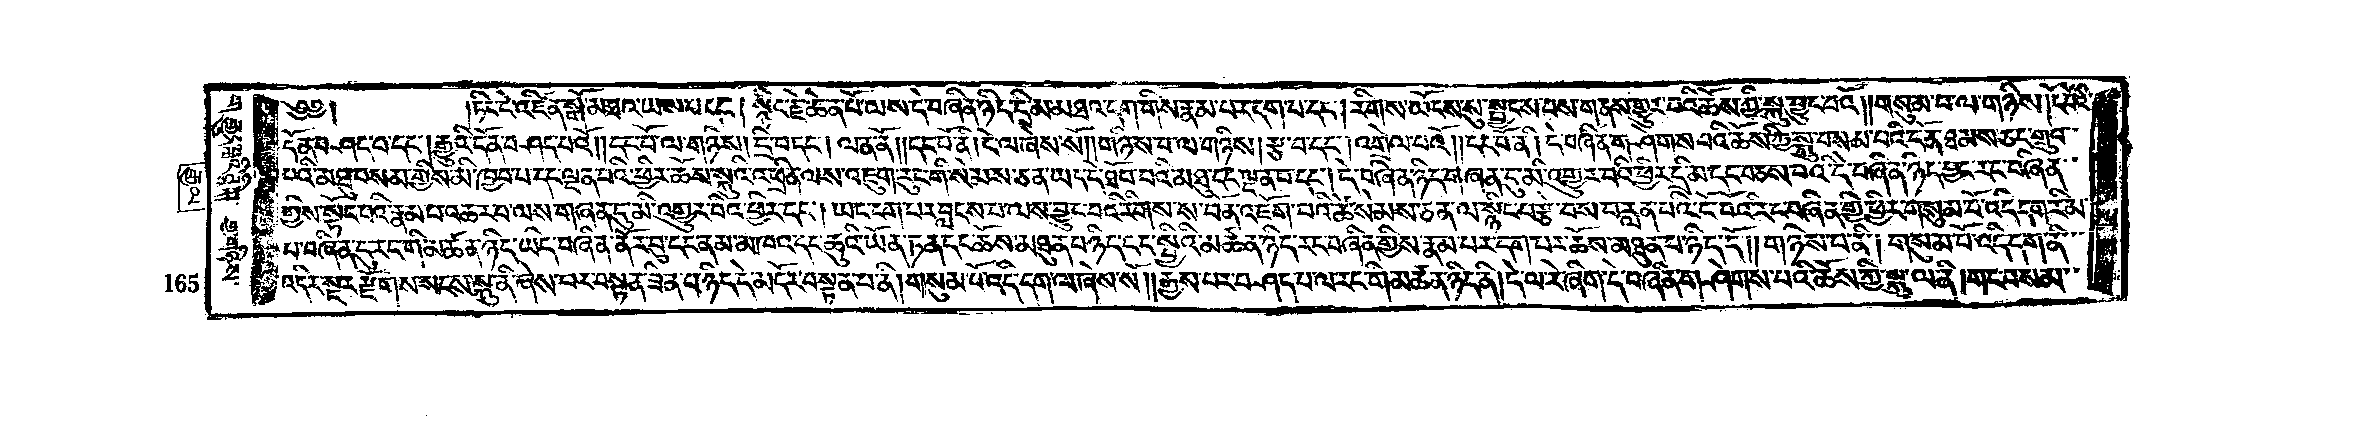༄༅། །ཏིང་ངེ་འཛིན་སྒོ་མཐའ་ཡས་པ་དང་། སྙིང་རྗེ་ཆེན་པོ་ལས་དེ་བཞིན་ཉིད་དྲི་མ་མཐའ་དག་གིས་རྣམ་པར་དག་པ་དང་། རིགས་ཡོངས་སུ་སྦྱངས་པས་གནས་གྱུར་པའི་ཆོས་ཀྱི་སྐུ་བྱུང་བའོ། །གསུམ་པ་ལ་གཉིས། ངོ་བོའི་
དོན་བཤད་པ་དང་། རྒྱུའི་དོན་བཤད་པའོ། །དང་པོ་ལ་གཉིས། དྲི་བ་དང་། ལན་ནོ། །དང་པོ་ནི། དེ་ལ་ཞེས་སོ། །གཉིས་པ་ལ་གཉིས། རྩ་བ་དང་། འགྲེལ་པའོ། །དང་པོ་ནི། དེ་བཞིན་གཤེགས་པའི་ཆོས་ཀྱི་སྐུ་བསམ་པའི་དོན་ཐམས་ཅད་གྲུབ་
པའི་མཐུ་བསམ་གྱིས་མི་ཁྱབ་པ་དང་ལྡན་པའི་ཕྱིར་ཆོས་སྐུའི་འཕྲིན་ལས་འཇུག་རུང་གི་སེམས་ཅན་ཡང་དེ་ཐོབ་པའི་མཐུ་དང་ལྡན་པ་དང་། དེ་བཞིན་ཉིད་གཞན་དུ་མི་འགྱུར་བའི་ཕྱིར་དྲི་མ་དང་བཅས་པའི་དེ་བཞིན་ཉིད་བྱང་རང་བཞིན་
གྱིས་སྟོང་པའི་རྣམ་པ་འཆར་བ་ལས་གཞན་དུ་མི་འགྱུར་བའི་ཕྱིར་དང་། ཡང་དག་པར་བླངས་པ་ལས་བྱུང་བའི་རིགས་ས་བོན་འཇོག་པའི་ཚེ་སེམས་ཅན་ལ་སྙིང་བརྩེ་བས་བརླན་པའི་ངོ་བོའི་རང་བཞིན་གྱི་ཕྱིར་གསུམ་པོ་འདི་དག་རིམ་
པ་བཞིན་དུ་རང་གི་མཚན་ཉིད་ཡིད་བཞིན་ནོར་བུ་དང་ནམ་མཁའ་དང་ཆུའི་ཡོན་ཏན་དང་ཆོས་མཐུན་པ་ཉིད་དང་སྤྱིའི་མཚན་ཉིད་རང་བཞིན་གྱིས་རྣམ་པར་དག་པར་ཆོས་མཐུན་པ་ཉིད་དོ། །གཉིས་པ་ནི། གསུམ་པོ་འདི་དག་ནི་
འདིར་སྔར་རྫོགས་སངས་སྐུ་ནི་ཞེས་པར་བསྟན་ཟིན་པ་ཉིད་དེ་མདོར་བསྟན་པ་ནི། གསུམ་པོ་འདི་དག་ལ་ཞེས་སོ། །རྒྱས་པར་བཤད་པ་ལ་རང་གི་མཚན་ཉིད་ནི། དེ་ལ་རེ་ཞིག་དེ་བཞིན་གཤེགས་པའི་ཆོས་ཀྱི་སྐུ་ལ་ནི། གང་བསམ་